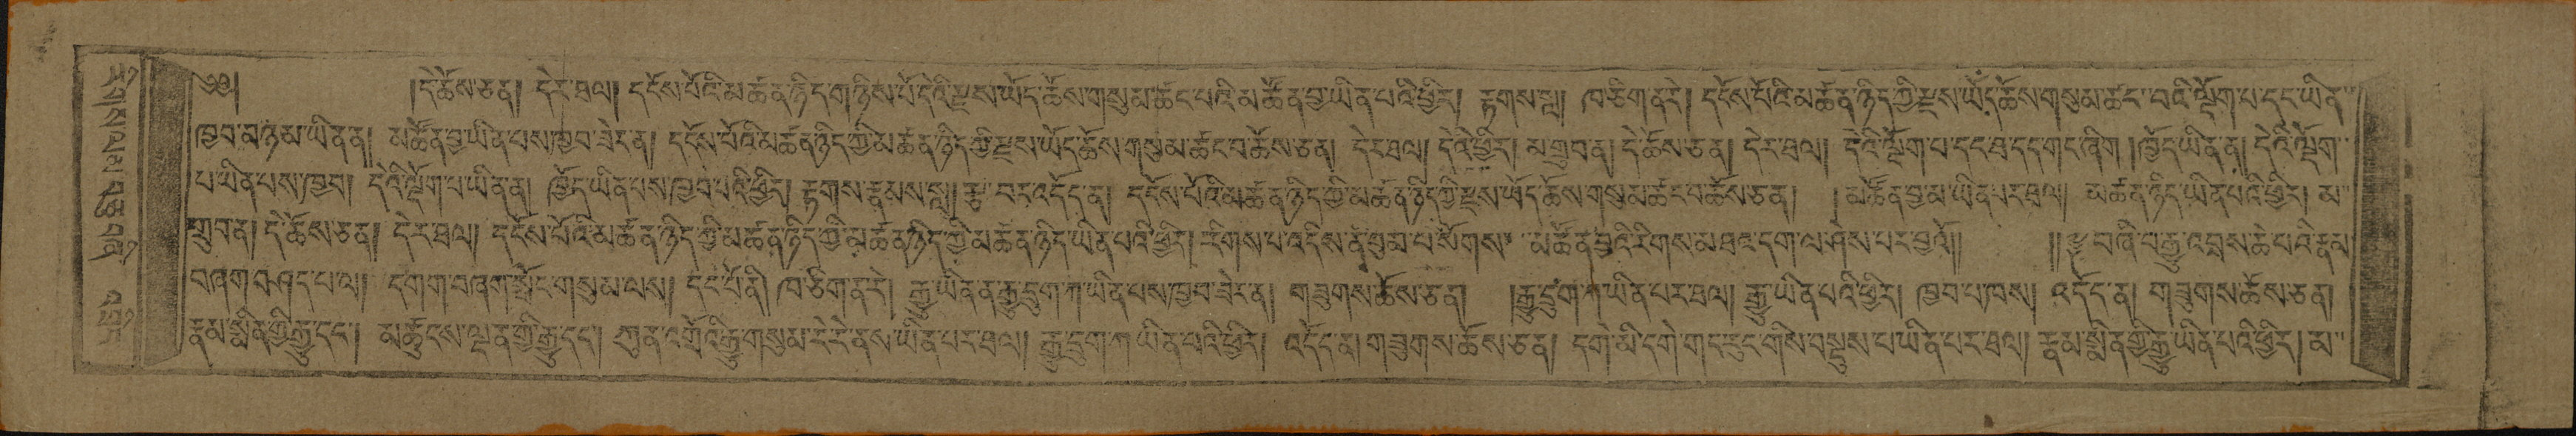༄༅། །དེ་ཆོས་ཅན། དེར་ཐལ། དངོས་པོའི་མཚན་ཉིད་གཉིས་པོ་དེའི་རྫས་ཡོད་ཆོས་གསུམ་ཚང་པའི་མཚོན་བྱ་ཡིན་པའི་ཕྱིར། རྟགས་སླ། ཁ་ཅིག་ན་རེ། དངོས་པོའི་མཚན་ཉིད་ཀྱི་རྫས་ཡོད་ཆོས་གསུམ་ཚང་བའི་ལྡོག་པ་དང་ཡིན་
ཁྱབ་མཉམ་ཡིན་ན། མཚོན་བྱ་ཡིན་པས་ཁྱབ་ཟེར་ན། དངོས་པོའི་མཚན་ཉིད་ཀྱི་མཚན་ཉིད་ཀྱི་རྫས་ཡོད་ཆོས་གསུམ་ཚང་བ་ཆོས་ཅན། དེར་ཐལ། དེའི་ཕྱིར། མ་གྲུབ་ན། དེ་ཆོས་ཅན། དེར་ཐལ། དེའི་ལྡོག་པ་དང་ཐ་དད་གང་ཞིག །ཁྱོད་ཡིན་ན། དེའི་ལྡོག་
པ་ཡིན་པས་ཁྱབ། དེའི་ལྡོག་པ་ཡིན་ན། ཁྱོད་ཡིན་པས་ཁྱབ་པའི་ཕྱིར། རྟགས་རྣམས་སླ། རྩ་བར་འདོད་ན། དངོས་པོའི་མཚན་ཉིད་ཀྱི་མཚན་ཉིད་ཀྱི་རྫས་ཡོད་ཆོས་གསུམ་ཚང་བ་ཆོས་ཅན། །མཚོན་བྱ་མ་ཡིན་པར་ཐལ། མཚན་ཉིད་ཡིན་པའི་ཕྱིར། མ་
གྲུབ་ན། དེ་ཆོས་ཅན། དེར་ཐལ། དངོས་པོའི་མཚན་ཉིད་ཀྱི་མཚན་ཉིད་ཀྱི་མཚན་ཉིད་ཀྱི་མཚན་ཉིད་ཡིན་པའི་ཕྱིར། རིགས་པ་འདིས་ནི་བུམ་པ་སོགས་མཚོན་བྱའི་རིགས་མཐའ་དག་ལ་ཤེས་པར་བྱའོ།། །།༈བཞི་པ་རྒྱུ་འབྲས་ཆེ་པའི་རྣམ་
བཞག་བཤད་པ་ལ། དགག་བཞག་སྤོང་གསུམ་ལས། དང་པོ་ནི། ཁ་ཅིག་ན་རེ། རྒྱུ་ཡིན་ན་རྒྱུ་དྲུག་ཀ་ཡིན་པས་ཁྱབ་ཟེར་ན། གཟུགས་ཆོས་ཅན། །རྒྱུ་དྲུག་ཀ་ཡིན་པར་ཐལ། རྒྱུ་ཡིན་པའི་ཕྱིར། ཁྱབ་པ་ཁས། འདོད་ན། གཟུགས་ཆོས་ཅན།
རྣམ་སྨིན་གྱི་རྒྱུ་དང་། མཚུངས་ལྡན་གྱི་རྒྱུ་དང་། ཀུན་འགྲོའི་རྒྱུ་གསུམ་རེ་རེ་ནས་ཡིན་པར་ཐལ། རྒྱུ་དྲུག་ཀ་ཡིན་པའི་ཕྱིར། འདོད་ན། གཟུགས་ཆོས་ཅན། དགེ་མི་དགེ་གང་རུང་གིས་བསྡུས་པ་ཡིན་པར་ཐལ། རྣམ་སྨིན་གྱི་རྒྱུ་ཡིན་པའི་ཕྱིར། མ་